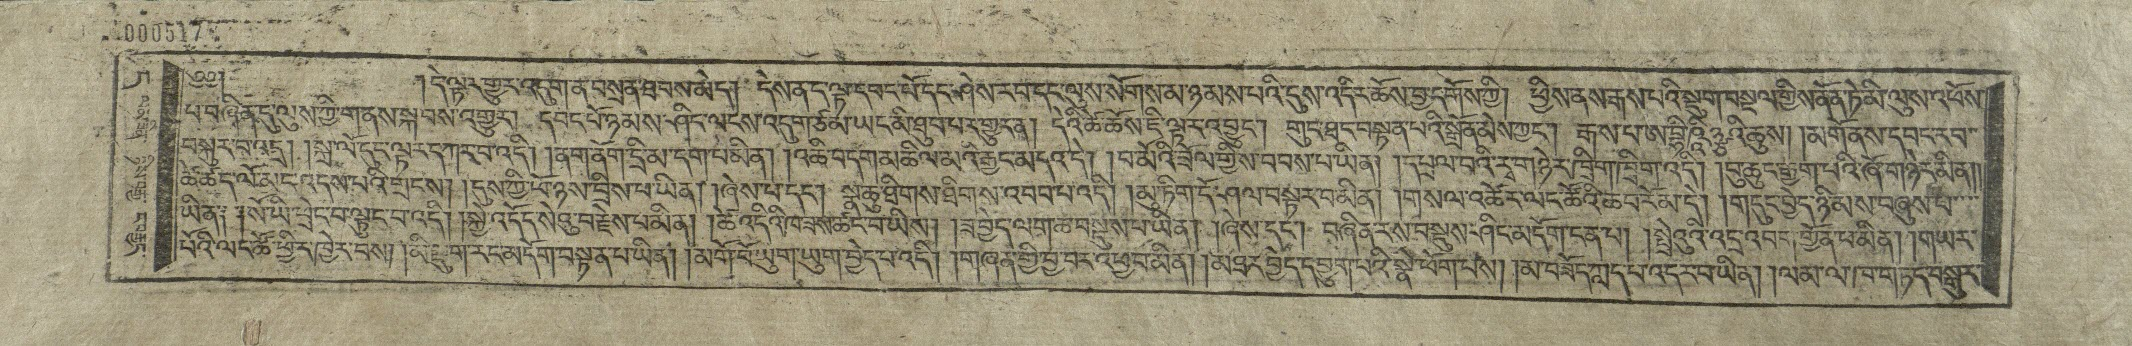༄༅། །དེ་ལྟར་གྱུར་འདུག་ན་བསྲན་ཐབས་མེད། དེས་ན་ད་ལྟ་དབང་པོ་དང་ཤེས་རབ་དང་ལུས་སོགས་མ་ཉམས་པའི་དུས་འདིར་ཆོས་བྱ་དགོས་ཀྱི། ཕྱིས་ནས་རྒས་པའི་སྡུག་བསྔལ་གྱིས་ནོན་ཏེ་མི་ལུས་འཕོས་
པ་བཞིན་དུ་ལུས་ཀྱི་གནས་སྐབས་འགྱུར། དབང་པོ་ཉམས་ཤིང་ལངས་འདུག་ཙམ་ཡང་མི་ཐུབ་པར་གྱུར་ན། དེའི་ཚེ་ཆོས་ཇི་ལྟར་འབྱུང་། གུང་ཐང་བསྟན་པའི་སྒྲོན་མེས་ཀྱང་། རྒས་པ་ཨ་བྷི་ཥའི་ཉྩའི་ཆུས། །མགོ་ནས་དབང་རབ་
བསྐུར་བ་འདྲ། །སྐྲ་ལོ་དུང་ལྟར་དཀར་བ་འདི། །ནག་ནོག་དྲི་མ་དག་པ་མིན། །འཆི་བདག་མཆིལ་མའི་རྒྱང་མདའ་དེ། །བ་མོའི་ཟོལ་གྱིས་བབས་པ་ཡིན། །དཔྲལ་བའི་རྭ་གཉེར་ཁྲིག་ཁྲིག་འདི། །བུ་ཆུང་རྒྱག་པའི་ཞོ་གཉེར་མིན།།
ཚེ་ཚད་ལོ་མང་འདས་པའི་གྲངས། །དུས་ཀྱི་ཕོ་ཉས་བྲིས་པ་ཡིན། །ཞེས་པ་དང་། སྣ་ཆུ་ཐིགས་ཐིགས་འབབ་པ་འདི། །མུ་ཏིག་དོ་ཤལ་བསྟར་བ་མིན། །གསལ་འཚེར་ལང་ཚོའི་ཆབ་རོམ་དེ། །གདུང་བྱེད་ཉི་མས་བཞུས་པ་
ཡིན༑ ༑སོ་ཡི་ཕྲེང་བ་ལྟུང་བ་འདི། །སྐྱེ་འདོད་སེའུ་བརྗེས་པ་མིན། །ཚེ་འདིའི་ཁ་ཟས་ཚང་བ་ཡིས། །ཟ་བྱེད་ལག་ཆ་བསྡུས་པ་ཡིན། །ཞེས་དང་། བཞིན་རས་བསྡུས་ཤིང་མདོག་ངན་པ། །སྤྲེའུའི་འདྲ་འབག་གྱོན་པ་མིན། །གཡར་
པོའི་ལང་ཚོ་ཕྱིར་ཁྱེར་བས། །མི་སྡུག་རང་མདོག་བསྟན་པ་ཡིན། །མགོ་བོ་ཡུག་ཡུག་བྱེད་པ་འདི། །གཞན་གྱི་བྱ་བར་འཕྱ་བ་མིན། །མཐར་བྱེད་དབྱུག་པའི་སྣེ་ཕོག་པས། །མ་བཟོད་ཀླད་པ་འདར་བ་ཡིན། །ལམ་ལ་ཁ་གཏད་བསྒུར་